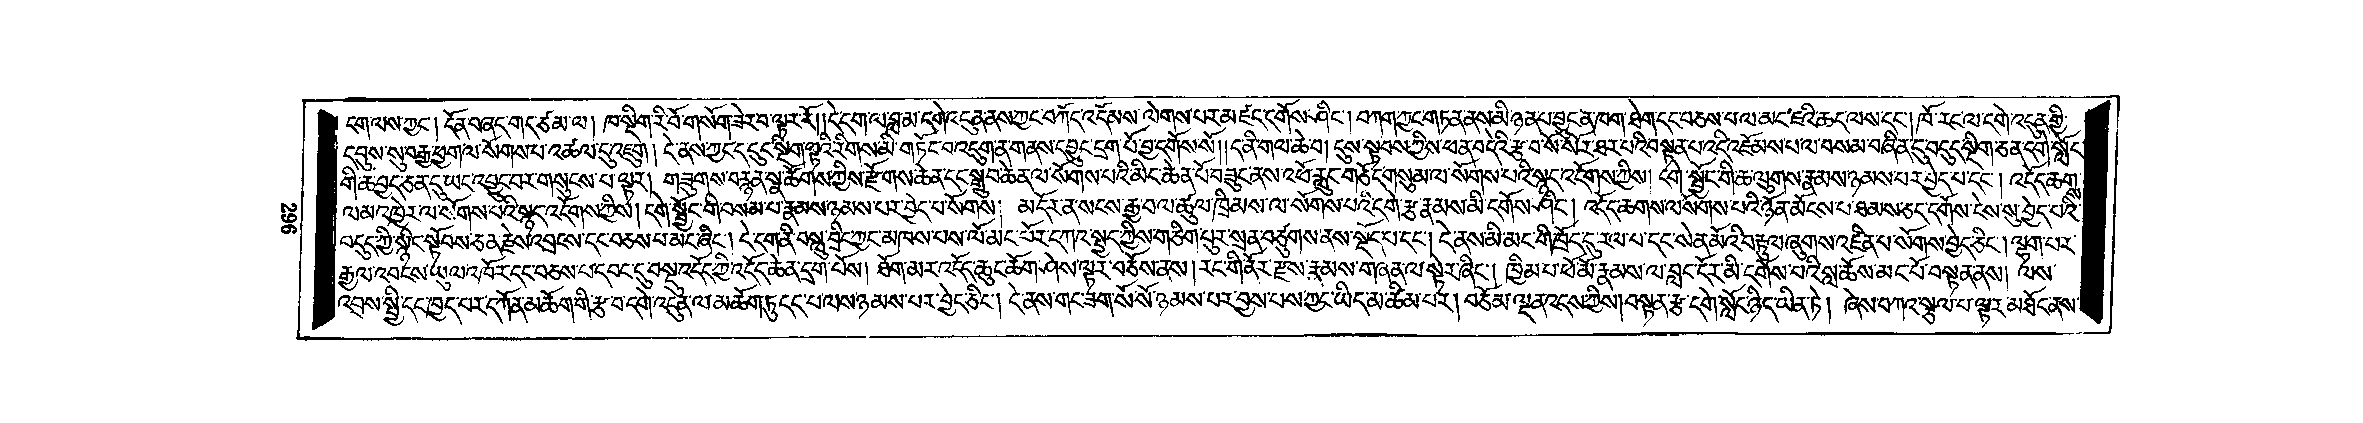ངག་ལས་ཀྱང་། དོན་བཞད་གད་ཙམ་ལ། ཁ་སྡིག་རི་བོ་གསོག་ཟེར་བ་ལྟར་རོ། །དེ་དག་ལ་བླ་མ་དགེ་འདུན་ནས་ཀྱང་བཀོད་འདོམས་ལེགས་པར་མཛད་དགོས་ཤིང་། བཀག་ཀྱང་གཏན་ནས་མི་ཉན་པ་བྱུང་ན་ཁག་ཐེག་དང་བཅས་པ་ལ་མང་ཇའི་ཆད་ལས་དང་། ཁོ་རང་ལ་དགེ་འདུན་གྱི་
དབུས་སུ་བརྒྱ་ཕྱག་ལ་སོགས་པ་འཚལ་དུ་འཇུག །དེ་ནས་ཀྱང་ད་དུང་སྡིག་ལྟའི་རིགས་མི་གཏོང་བ་འདུག་ན་གནས་དབྱུང་དྲག་པོ་བྱ་དགོས་སོ། །ད་ནི་གལ་ཆེ་བ། དུས་སྟབས་ཀྱིས་ཕན་བདེའི་རྩ་བ་སོ་སོར་ཐར་པའི་བསྟན་པ་འདི་འཇོམས་པ་ལ་བསམ་བཞིན་དུ་བདུད་སྡིག་ཅན་དགེ་སློང་
གི་ཆ་བྱད་ཅན་དུ་ཡང་འབྱུང་བར་གསུངས་པ་ལྟར། གཟུགས་བརྙན་སྣ་ཚོགས་ཀྱིས་རྫོགས་ཆེན་དང་སྒྲུབ་ཆེན་ལ་སོགས་པའི་མིང་ཆེན་པོ་བཟུང་ནས་འཕོ་རླུང་གཅོད་གསུམ་ལ་སོགས་པའི་སྙད་འདོགས་ཀྱིས། དགེ་སྦྱོང་གི་ཆ་ལུགས་རྣམས་ཉམས་པར་བྱེད་པ་དང་། འདོད་ཆགས་
ལམ་འཁྱེར་ལ་སོགས་པའི་སྙད་འདོགས་ཀྱིས། དགེ་སྦྱོང་གི་བསམ་པ་རྣམས་ཉམས་པར་བྱེད་པ་སོགས། མདོར་ན་སངས་རྒྱ་བ་ལ་ཚུལ་ཁྲིམས་ལ་སོགས་པའི་དགེ་རྩ་རྣམས་མི་དགོས་ཤིང་། འདོད་ཆགས་ལ་སོགས་པའི་ཉོན་མོངས་པ་ཐམས་ཅད་དགོས་ངེས་སུ་བྱེད་པའི་
བདུད་ཀྱི་སྙིང་སྟོབས་ཅན་རྗེས་འབྲངས་དང་བཅས་པ་མང་ཞིང་། དེ་དག་ནི་བསླུ་བྲིང་ཀྱང་མཁས་པས་ལོ་མང་པོར་དཀའ་སྤྱད་ཀྱིས་གཅིག་པུར་སྲན་བཙུགས་ནས་སྡོད་པ་དང་། དེ་ནས་མི་མང་གི་ཁྲོད་དུ་རལ་པ་དང་སེན་མོའི་བརྟུལ་ཞུགས་འཛིན་པ་སོགས་བྱེད་ཅིང་། ལྷག་པར་
རྒྱལ་འབངས་ཡུལ་འཁོར་དང་བཅས་པ་དབང་དུ་བསྡུ་འདོད་ཀྱི་འདོད་ཆེན་དྲག་པོས། ཐོག་མར་འདོད་ཆུང་ཆོག་ཤེས་ལྟར་བཅོས་ནས། རང་གི་ནོར་རྫས་རྣམས་གཞན་ལ་སྟེར་ཞིང་། ཁྱིམ་པ་ཕོ་མོ་རྣམས་ལ་བླང་དོར་མི་དགོས་པའི་སླ་ཆོས་མང་པོ་བསྟན་ནས། ལས་
འབྲས་སྤྱི་དང་ཁྱད་པར་དཀོན་མཆོག་གི་རྩ་བ་དགེ་འདུན་ལ་མཆོག་ཏུ་དད་པ་ལས་ཉམས་པར་བྱེད་ཅིང་། དེ་ནས་གང་ཟག་སོ་སོ་ཉམས་པར་བྱས་པས་ཀྱང་ཡིད་མ་ཚིམ་པར། བཅོམ་ལྡན་འདས་ཀྱིས། བསྟན་རྩ་དགེ་སློང་ཉིད་ཡིན་ཏེ། ཞེས་བཀའ་སྩལ་པ་ལྟར་མཐོང་ནས་